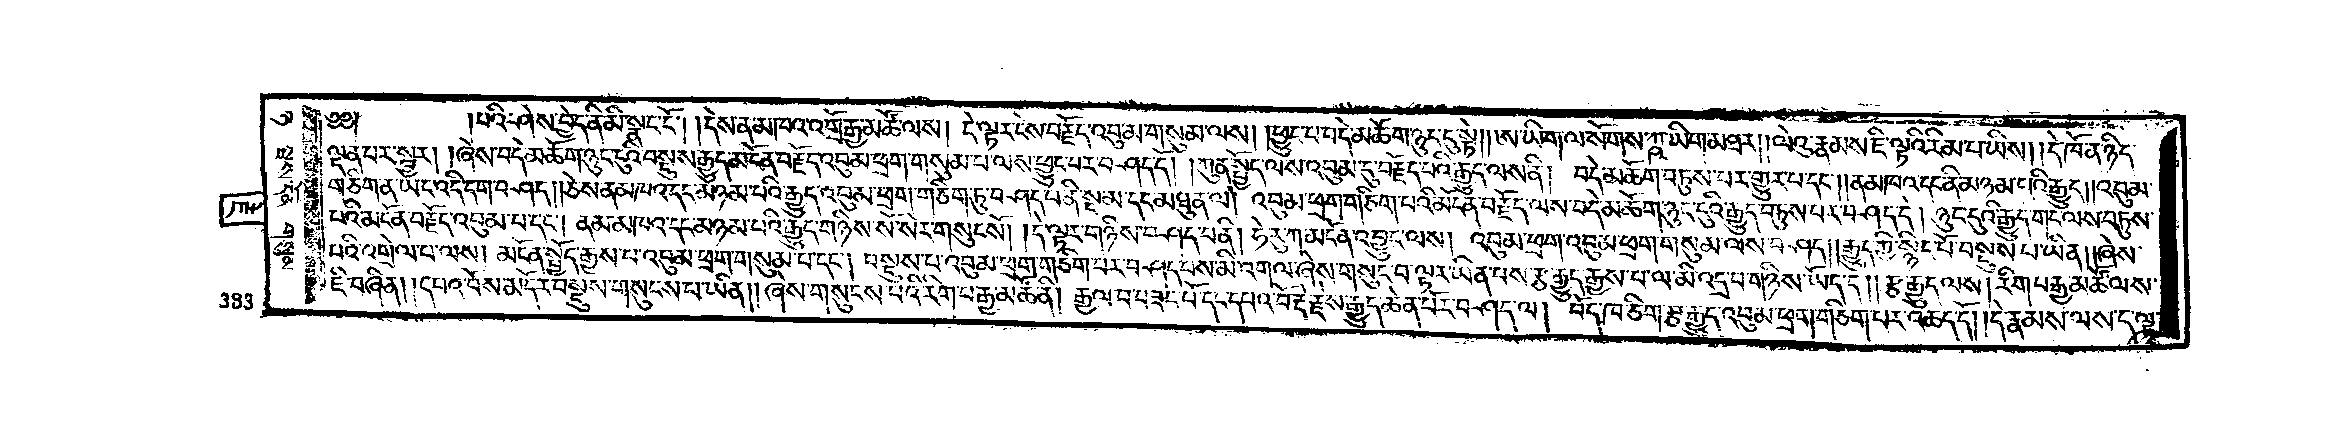༄༅། །པའི་ཤེས་བྱེད་ནི་མི་སྣང་ངོ། །དེས་ནམ་མཁའ་འགྲོ་རྒྱ་མཚོ་ལས། དེ་ལྟར་ངེས་བརྗོད་འབུམ་གསུམ་ལས། །ཕྱུང་པ་བདེ་མཆོག་ཉུང་ངུ་སྟེ། །ཨ་ཡིག་ལ་སོགས་ཀྵ་ཡིག་མཐར། །ལེའུ་རྣམས་ཇི་ལྟའི་རིམ་པ་ཡིས། །དེ་ཁོ་ན་ཉིད་
ལྡན་པར་སྦྱར། །ཞེས་བདེ་མཆོག་ཉུང་ངུའི་བསྡུས་རྒྱུད་མངོན་བརྗོད་འབུམ་ཕྲག་གསུམ་པ་ལས་ཕྱུང་བར་བཤད་དོ། །ཀུན་སྤྱོད་ལས་འབུམ་དུ་བརྗོད་པའི་རྒྱུད་ལས་ནི། བདེ་མཆོག་བཏུས་པར་གྱུར་པ་དང་། །ནམ་མཁའ་དང་ནི་མཉམ་པའི་རྒྱུད། །འབུམ་
གཅིག་ན་ཡང་འདི་དག་བཤད། །ཅེས་ནམ་མཁའ་དང་མཉམ་པའི་རྒྱུད་འབུམ་ཕྲག་གཅིག་ཏུ་བཤད་པ་ནི་སྔ་མ་དང་མཐུན་ལ། འབུམ་ཕྲག་གཅིག་པའི་མངོན་བརྗོད་ལས་བདེ་མཆོག་ཉུང་ངུའི་རྒྱུད་བཏུས་པར་བཤད་དེ། ཉུང་ངུའི་རྒྱུད་གང་ལས་བཏུས་
པའི་མངོན་བརྗོད་འབུམ་པ་དང་། ནམ་མཁའ་དང་མཉམ་པའི་རྒྱུད་གཉིས་སོ་སོར་གསུངས་སོ། །དེ་ལྟར་གཉིས་བཤད་པ་ནི། ཧེ་རུ་ཀ་མངོན་འབྱུང་ལས། འབུམ་ཕྲག་འབུམ་ཕྲག་གསུམ་ལས་བཤད། །རྒྱུད་ཀྱི་སྙིང་པོ་བསྡུས་པ་ཡིན། །ཞེས་
པའི་འགྲེལ་པ་ལས། མངོན་སྤྱོད་རྒྱས་པ་འབུམ་ཕྲག་གསུམ་པ་དང་། བསྡུས་པ་འབུམ་ཕྲག་གཅིག་པར་བཤད་པས་མི་འགལ་ཞེས་གསུང་བ་ལྟར་ཡིན་པས་རྩ་རྒྱུད་རྒྱས་པ་ལ་མི་འདྲ་བ་གཉིས་ཡོད་དེ། །རྩ་རྒྱུད་ལས། རིག་པ་རྒྱ་མཚོ་ལས་
ཇི་བཞིན། །དཔའ་བོས་མདོར་བསྡུས་གསུངས་པ་ཡིན། །ཞེས་གསུངས་པའི་རིག་པ་རྒྱ་མཚོ་ནི། རྒྱལ་བ་བཟང་པོ་དང་དཔའ་བོ་རྡོ་རྗེས་རྒྱུད་ཆེན་པོར་བཤད་ལ། བོད་ཁ་ཅིག་རྩ་རྒྱུད་འབུམ་ཕྲག་གཅིག་པར་འཆད་དོ། །དེ་རྣམས་ལས་ད་ལྟ་